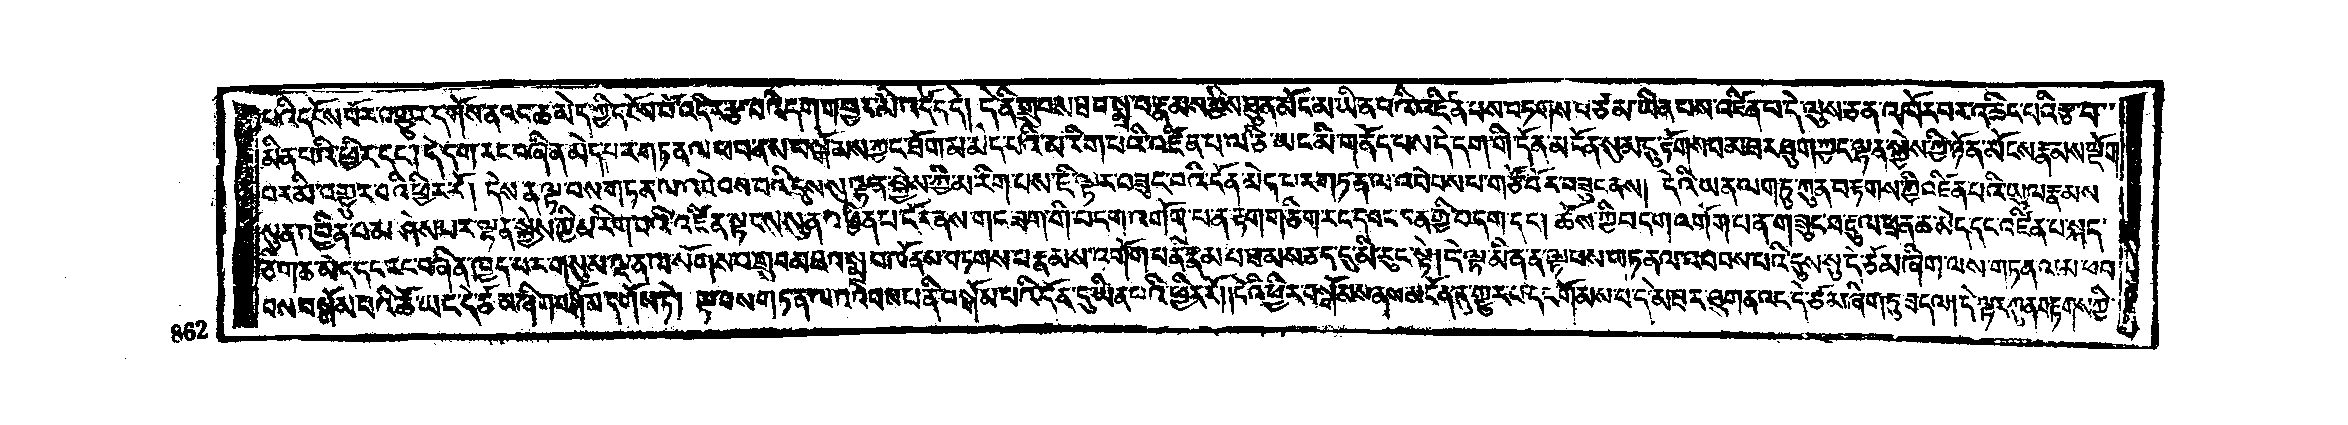པའི་དངོས་པོར་འགྱུར་དགོས་ནའང་ཆ་མེད་ཀྱི་དངོས་པོ་འདིར་རྩ་བའི་དགག་བྱར་མི་འདོད་དེ། དེ་ནི་གྲུབ་མཐའ་སྨྲ་བ་རྣམས་ཀྱིས་ཐུན་མོང་མ་ཡིན་པའི་འཛིན་པས་བཏགས་པ་ཙམ་ཡིན་པས་འཛིན་པ་དེ་ལུས་ཅན་འཁོར་བར་འཆིང་བའི་རྩ་བ་
མིན་པའི་ཕྱིར་དང་། དེ་དག་རང་བཞིན་མེད་པར་གཏན་ལ་ཕབ་ནས་བསྒོམས་ཀྱང་ཐོག་མ་མེད་པའི་མ་རིག་པའི་འཛིན་པ་ལ་ཅི་ཡང་མི་གནོད་པས་དེ་དག་གི་དོན་མངོན་སུམ་དུ་རྟོགས་པ་མཐར་ཐུག་ཀྱང་ལྷན་སྐྱེས་ཀྱི་ཉོན་མོངས་རྣམས་ལྡོག་
པར་མི་འགྱུར་བའི་ཕྱིར་རོ། །དེས་ན་ལྟ་བས་གཏན་ལ་འབེབས་པའི་དུས་སུ་ལྷན་སྐྱེས་ཀྱི་མ་རིག་པས་ཇི་ལྟར་བཟུང་བའི་དོན་མེད་པར་གཏན་ལ་འབེབས་པ་གཙོ་བོར་བཟུང་ནས། དེའི་ཡན་ལག་ཏུ་ཀུན་བརྟགས་ཀྱི་འཛིན་པའི་ཡུལ་རྣམས་
སུན་འབྱིན་པ་མ་ཤེས་པར་ལྷན་སྐྱེས་ཀྱི་མ་རིག་པའི་འཛིན་སྟངས་སུན་འབྱིན་པ་དོར་ནས་གང་ཟག་གི་བདག་འགོག་པ་ན་རྟག་གཅིག་རང་དབང་ཅན་གྱི་བདག་དང་། ཆོས་ཀྱི་བདག་འགོག་པ་ན་གཟུང་བརྡུལ་ཕྲན་ཆ་མེད་དང་འཛིན་པ་སྐད་
ཅིག་ཆ་མེད་དང་རང་བཞིན་ཁྱད་པར་གསུམ་ལྡན་ལ་སོགས་པ་གྲུབ་མཐའ་སྨྲ་བ་ཁོ་ནས་བཏགས་པ་རྣམས་འགོག་པ་ནི་རྣམ་པ་ཐམས་ཅད་དུ་མི་རུང་སྟེ། དེ་ལྟ་མིན་ན་ལྟ་བས་གཏན་ལ་འབེབས་པའི་དུས་སུ་དེ་ཙམ་ཞིག་ལས་གཏན་ལ་མ་ཕབ་
པས་བསྒོམ་པའི་ཚེ་ཡང་དེ་ཙམ་ཞིག་བསྒོམ་དགོས་ཏེ། ལྟ་བས་གཏན་ལ་འབེབས་པ་ནི་བསྒོམ་པའི་དོན་དུ་ཡིན་པའི་ཕྱིར་རོ། །དེའི་ཕྱིར་བསྒོམས་ནས་མངོན་དུ་གྱུར་པ་དང་གོམས་པ་དེ་མཐར་ཐུག་ནའང་དེ་ཙམ་ཞིག་ཏུ་ཟད་ལ། དེ་ལྟར་ཀུན་བརྟགས་ཀྱི་